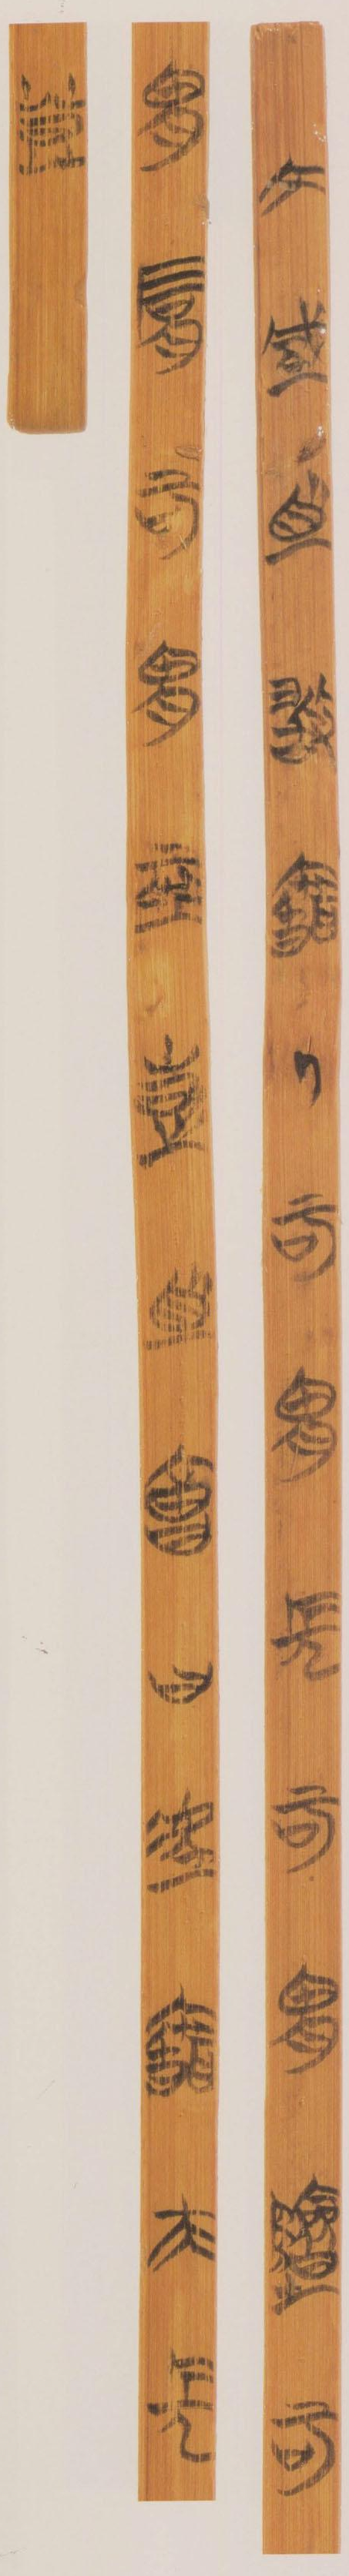文城且敢{尒䎽}人可胃長可胃險可胃{厂肙}可胃亞彭且會[合]曰𫊟{尒䎽}夫長莫
